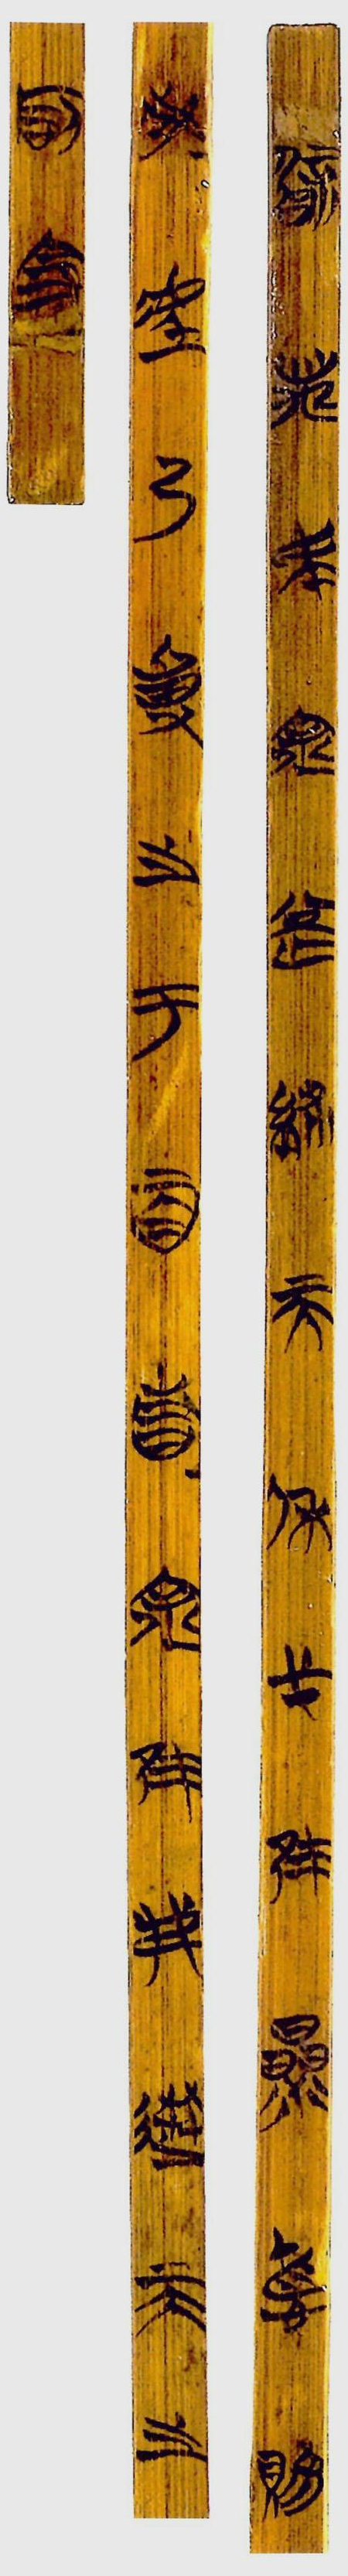辟萬民余罔絉天休弋隹參惪賜我𫊟（吾）乃尃之于百青余隹弗{辶共}天之叚命
